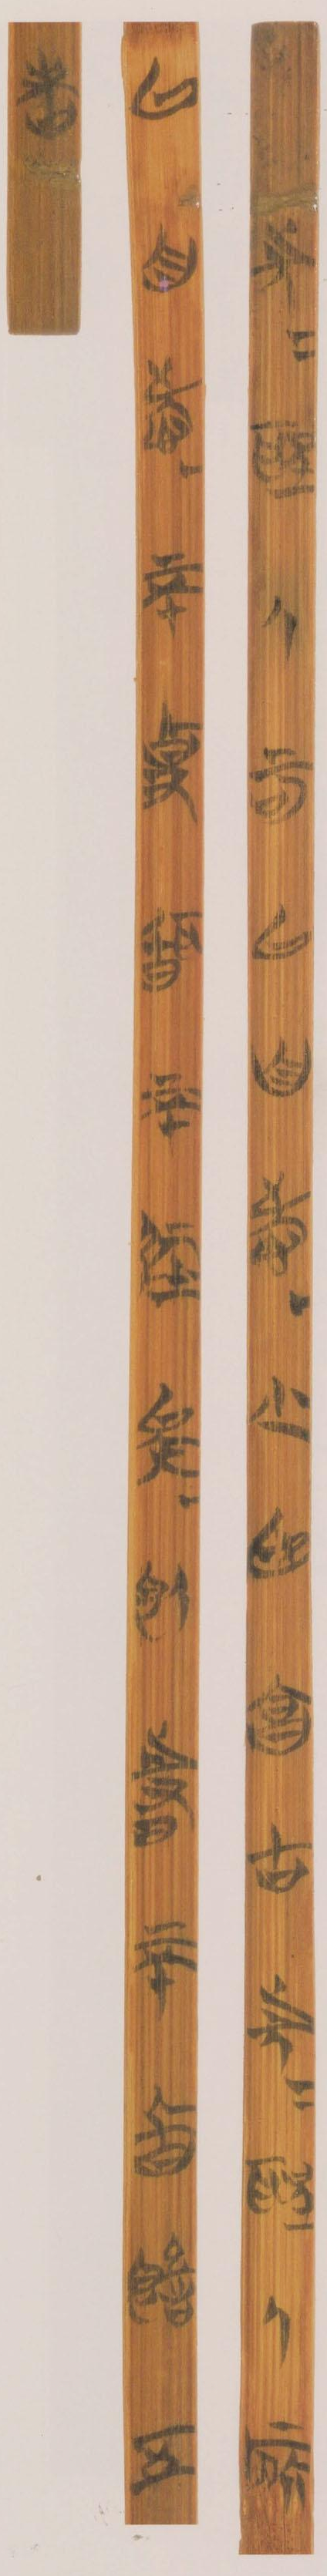先=聖人可㠯（以）自㤅少臣合古先=聖人所㠯（以）自㤅不史䎽不{尸几土}矣飤時不旨{食糸言}五味
